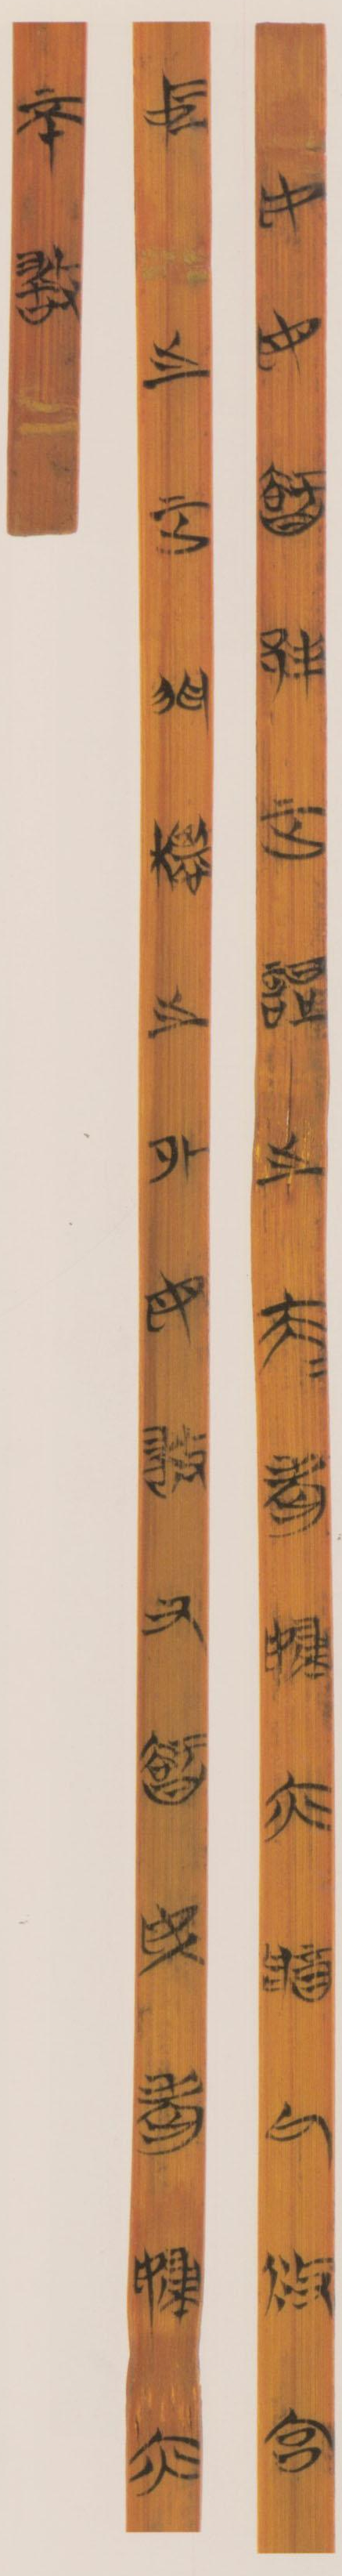女母智邦正{言豆}之夫=老婦亦𨟻丩攸宮𠁩之正門檻之外母敢又智𡚦老婦亦不敢
